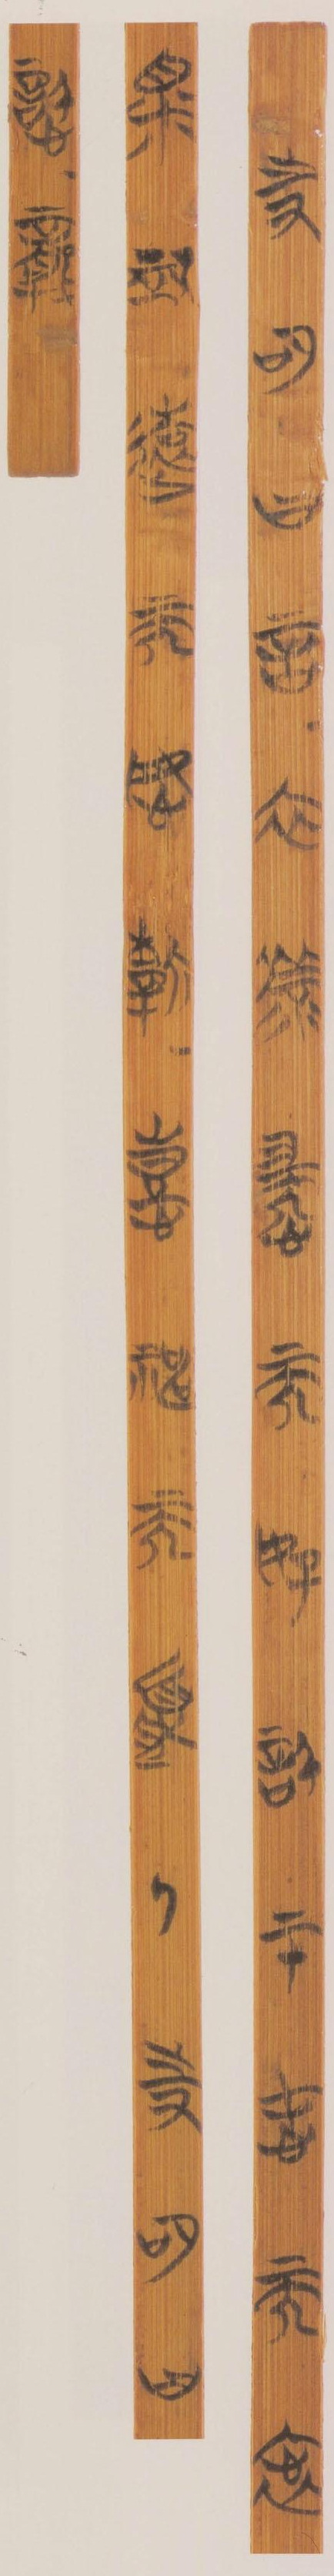寺名曰音衣備{耑心}而好信丂{才心}而{衣心}眔卹遠而悔新𢝫神而{肉頁}人寺名曰{言千心}龏
